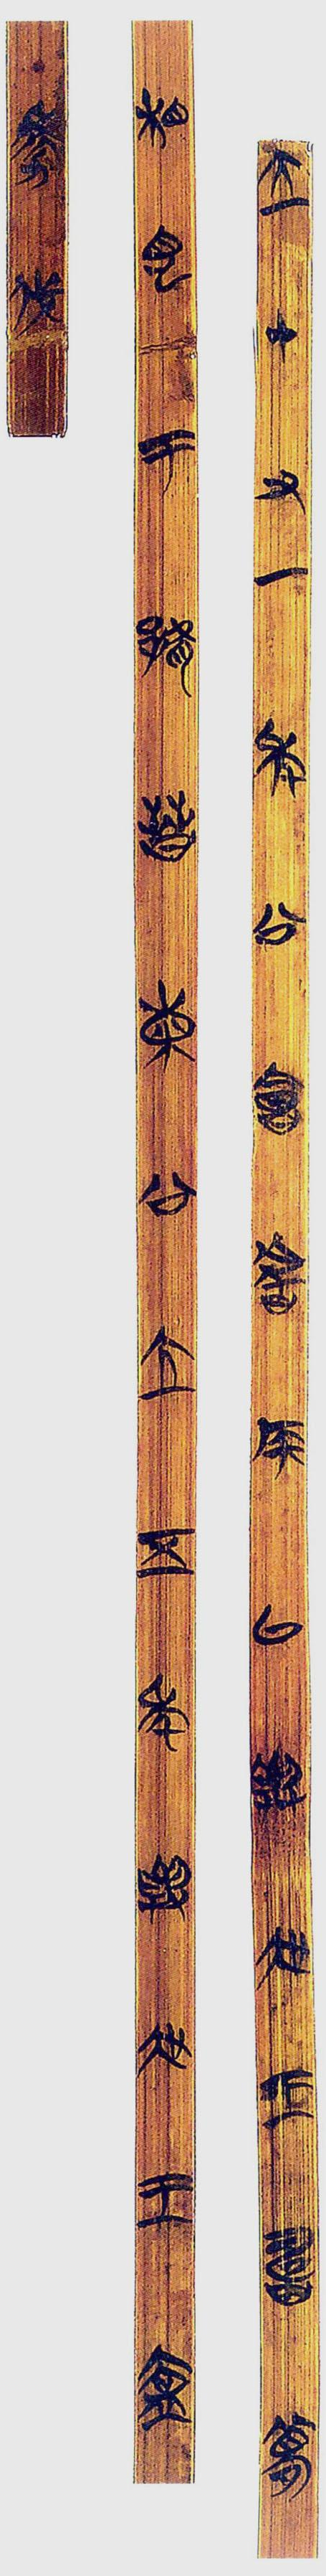立十又一年公會者侯㠯（以）與吳王𠷎夢相見于{邑寽虎}晉柬公立五年與吳王盍{虎力}伐
